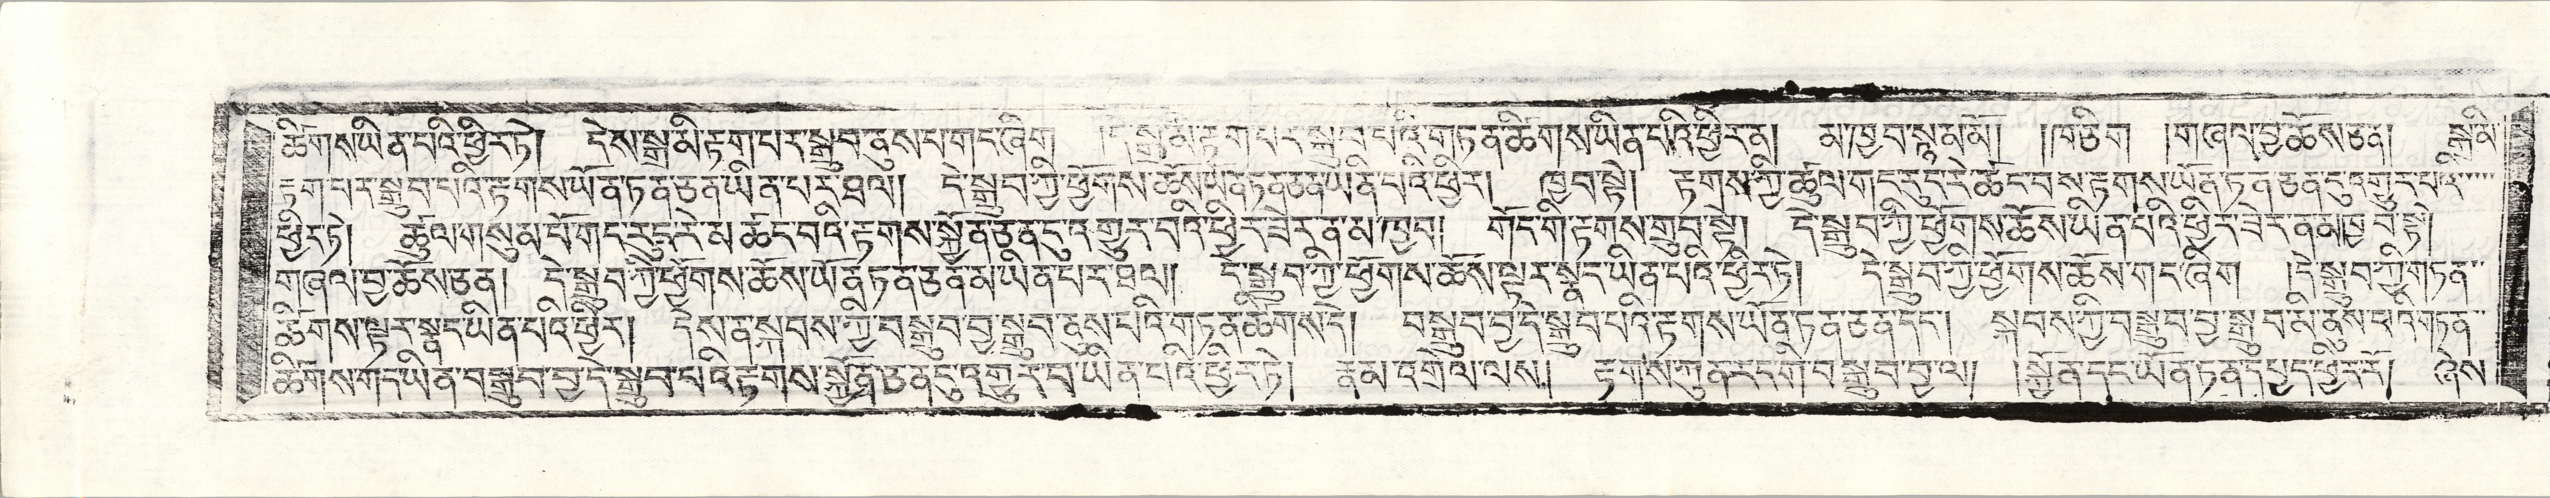ཚིགས་ཡིན་པའི་ཕྱིར་ཏེ། དེས་སྒྲ་མི་རྟག་པར་སྒྲུབ་ནུས་པ་གང་ཞིག །དེ་སྒྲ་མི་རྟག་པར་སྒྲུབ་པའི་གཏན་ཚིགས་ཡིན་པའི་ཕྱིར་ན། མ་ཁྱབ་སྙམ་མོ། །ཁ་ཅིག །གཞལ་བྱ་ཆོས་ཅན། སྒྲ་མི་
རྟག་པར་སྒྲུབ་པའི་རྟགས་ཡོན་ཏན་ཅན་ཡིན་པར་ཐལ། དེ་སྒྲུབ་ཀྱི་ཕྱོགས་ཆོས་ཡོན་ཏན་ཅན་ཡིན་པའི་ཕྱིར། ཁྱབ་སྟེ། རྟགས་ཀྱི་ཚུལ་གང་རུང་རེ་ཚང་བས་རྟགས་ཡོན་ཏན་དུ་འགྱུར་བའི་
ཕྱིར་ཏེ། ཚུལ་གསུམ་པོ་གང་རུང་རེ་མ་ཚང་བའི་རྟགས་སྐྱོན་ཅན་དུ་འགྱུར་བའི་ཕྱིར་ཟེར་ན་མ་ཁྱབ། གོང་གི་རྟགས་གྲུབ་སྟེ། དེ་སྒྲུབ་ཀྱི་ཕྱོགས་ཆོས་ཡིན་པའི་ཕྱིར་ཟེར་ན་མ་ཁྱབ་སྟེ།
གཞལ་བྱ་ཆོས་ཅན། དེ་སྒྲུབ་ཀྱི་ཕྱོགས་ཆོས་ཡོན་ཏན་ཅན་མ་ཡིན་པར་ཐལ། དེ་སྒྲུབ་ཀྱི་ཕྱོགས་ཆོས་ལྟར་སྣང་ཡིན་པའི་ཕྱིར་ཏེ། དེ་སྒྲུབ་ཀྱི་ཕྱོགས་ཆོས་གང་ཞིག །དེ་སྒྲུབ་ཀྱི་གཏན་
ཚིགས་ལྟར་སྣང་ཡིན་པའི་ཕྱིར། དེས་ན་སྐབས་ཀྱི་བསྒྲུབ་བྱ་སྒྲུབ་ནུས་པའི་གཏན་ཚིགས་དེ། བསྒྲུབ་བྱ་དེ་སྒྲུབ་པའི་རྟགས་ཡོན་ཏན་ཅན་དང་། སྐབས་ཀྱི་བསྒྲུབ་བྱ་སྒྲུབ་མི་ནུས་པའི་གཏན་
ཚིགས་གང་ཡིན་བསྒྲུབ་བྱ་དེ་སྒྲུབ་པའི་རྟགས་སྐྱོན་ཅན་དུ་འགྱུར་བ་ཡིན་པའི་ཕྱིར་ཏེ། རྣམ་འགྲེལ་ལས། རྟགས་ཀུན་རང་གི་བསྒྲུབ་བྱ་ལ། །སྐྱོན་དང་ཡོན་ཏན་དཔྱད་ཕྱིར་རོ། ཞེས་